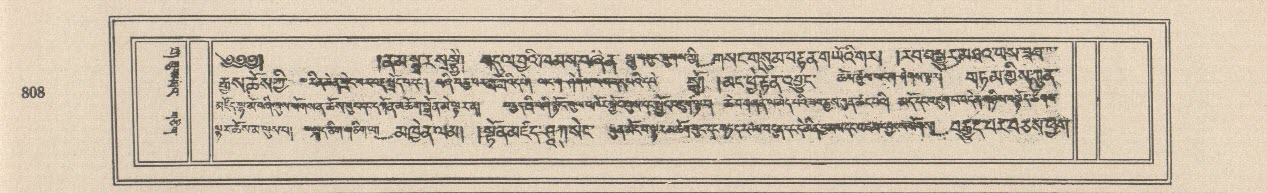༄༅༅། །ན་མ་སྶྭ?་ར་སྭསྟྱཻ། གདུལ་བྱའི་ཁམས་བཞིན་སྐུ་གསུང་ཐུགས་ཀྱི། གསང་གསུམ་བརྟན་གཡོའི་གར། །རབ་བསྒྱུར་མཐའ་ཡས་ཟབ་
རྒྱས་ཆོས་ཀྱི་༧རིན་ཆེན་ཕྲེང་བར་བརྡ་སྤྲོད་པ་དང་། བཞི་བརྒྱ་བར་ཀླ་ཀློའི་དཔེ། ལང་གཤེགས་ལས་ནད་པའི་དཔེ་སྒོ། །མང་ཕྱེ་རྟེན་འབྱུང་ཆོས་ཚུལ་ཡང་གཤེགས་ལྟར། གཏམ་གྱིས་ཀུན་
མཛོད་ལྷ་མོ་བཞི་ཞུས་སོགས་ན་ཆོས་ཕུང་དང་དཀོན་མཆོག་སྒྲོན་མེ་ལྟར་ན། བརྒྱད་ཁྲོ་བཞི་སྟོང་ཕུལ?་འཁོར་སྐྱོང་ཞུས་དང་སྤྱོད་འཇུག་ལྟར། ཆེ་བ་གཞན་ལ་མེད་པའི་ཟབ་རྒྱས་ཀུན་ཚང་བའི། མདོ་དང་འཇུག་པ་བདེན་གཉིས་བསྟོད་ཚོགས་
ལྟར་ཆོས་མ་ལུས་པ། ༧་སྐད་ཅིག་གཅིག་ལ། མཁྱེན་ལམ། །སྟོན་མཛད་ཤཱཀྲ་སེང་ཐུན་མོང་བ་ལྟར་མཆོག་ཕུང?་དང་གཏད་རབས་བདུན་དང་དེ་མིན་བྱམས་དང་འཇམ་དབྱངས་སོགས། བརྒྱུད་པར་བཅས་ཕྱག་